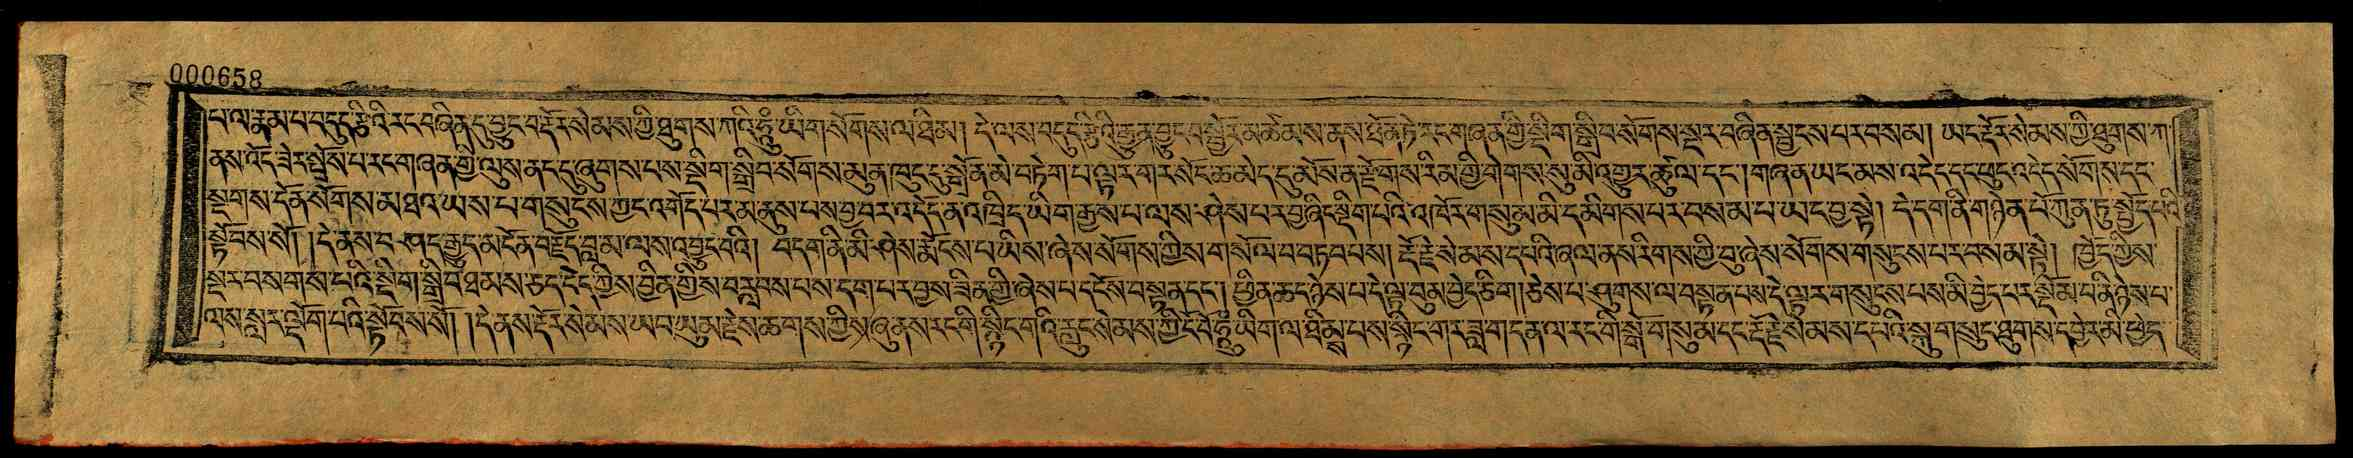པ་ལ་རྣམ་པ་བདུད་རྩིའི་རང་བཞིན་དུ་བྱུང་བ་རྡོར་སེམས་ཀྱི་ཐུགས་ཀའི་ཧཱུཾ་ཡིག་སོགས་ལ་ཐིམ། དེ་ལས་བདུད་རྩིའི་རྒྱུན་བྱུང་བ་སྦྱོར་མཚམས་ནས་ཐོན་ཏེ་རང་གཞན་གྱི་སྡིག་སྒྲིབ་སོགས་སྔར་བཞིན་སྦྱངས་པར་བསམ། ཡང་རྡོར་སེམས་ཀྱི་ཐུགས་ཀ་
ནས་འོད་ཟེར་སྤྲོས་པ་རང་གཞན་གྱི་ལུས་ནང་དུ་ཞུགས་པས་སྡིག་སྒྲིབ་སོགས་མུན་ཁུང་དུ་སྒྲོན་མེ་བཏེག་པ་ལྟར་གར་སོང་ཆ་མེད་དུ་མོས་ན་རྫོགས་རིམ་གྱི་གེགས་སུ་མི་འགྱུར་ཚུལ་དང་། གཞན་ཡང་མས་འདེད་དང་ཕུད་འདེད་སོགས་དང་
སྔགས་དོན་སོགས་མཐའ་ཡས་པ་གསུངས་ཀྱང་འགོད་པར་མ་ནུས་པས་བྱ་བར་འདོད་ན་འཁྲིད་ཡིག་རྒྱས་པ་ལས་ཤེས་པར་བྱ་ཞིང་སྡིག་པའི་འཁོར་གསུམ་མི་དམིགས་པར་བསམ་པ་ཡང་བྱ་སྟེ། དེ་དག་ནི་གཉེན་པོ་ཀུན་ཏུ་སྤྱོད་པའི་
སྟོབས་སོ། །དེ་ནས་བཤད་རྒྱུད་མངོན་བརྗོད་བླ་མ་ལས་འབྱུང་བའི། བདག་ནི་མི་ཤེས་རྨོངས་པ་ཡིས་ཞེས་སོགས་ཀྱིས་གསོལ་བ་བཏབ་པས། རྡོ་རྗེ་སེམས་དཔའི་ཞལ་ནས་རིགས་ཀྱི་བུ་ཞེས་སོགས་གསུངས་པར་བསམ་སྟེ། ཁྱོད་ཀྱིས་
སྔར་བསགས་པའི་སྡིག་སྒྲིབ་ཐམས་ཅད་ངེད་ཀྱིས་བྱིན་གྱིས་བརླབས་པས་དག་པར་བྱས་ཟིན་གྱི་ཞེས་པ་དངོས་བསྟན་དང་། ཕྱིན་ཆད་ཉེས་པ་དེ་ལྟ་བུ་མ་བྱེད་ཅིག། ཅེས་པ་ཤུགས་ལ་བསྟན་པས་དེ་ལྟར་གསུངས་པས་མི་བྱེད་པར་སྡོམ་པ་ནི་ཉེས་པ་
ལས་སླར་ལྡོག་པའི་སྟོབས་སོ། །དེ་ནས་རྡོར་སེམས་ཡབ་ཡུམ་རྗེས་ཆགས་ཀྱིས་ཞུ་ནས་རང་གི་སྙིང་གའི་རླུང་སེམས་ཀྱི་ངོ་བོ་ཧཱུཾ་ཡིག་ལ་ཐིམས་པས་སྙིང་གར་ཟླ་གདན་ལ་རང་གི་སྒོ་གསུམ་དང་རྡོ་རྗེ་སེམས་དཔའི་སྐུ་གསུང་ཐུགས་དབྱེར་མི་ཕྱེད་